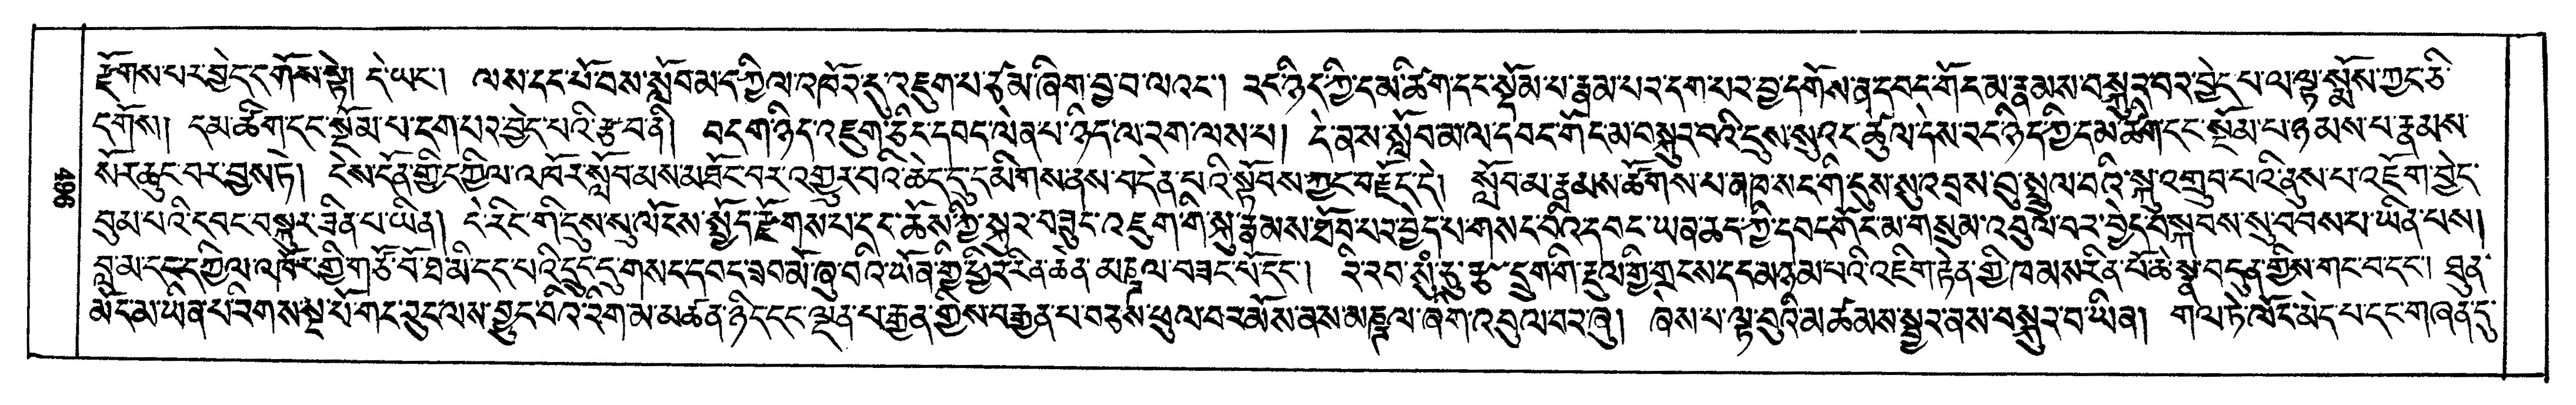རྫོགས་པར་བྱེད་དགོས་ཏེ། དེ་ཡང་། ལས་དང་བོ་བས་སློབ་མ་དཀྱིལ་འཁོར་དུ་འཇུག་པ་ཙམ་ཞིག་བྱ་བ་ལའང་། རང་ཉིད་ཀྱི་དམ་ཚིག་དང་སྡོམ་པ་རྣམ་པར་དག་པར་བྱ་དགོས་ན་དབང་གོང་མ་རྣམས་བསྐུར་བར་བྱེད་པ་ལ་ལྟ་སྨོས་ཀྱང་ཅི་
དགོས། དམ་ཚིག་དང་སྡོམ་པ་དག་པར་བྱེད་པའི་རྩ་བ་ནི། བདག་ཉིད་འཇུག་ཅིང་དབང་ལེན་པ་ཉིད་ལ་རག་ལས་ལ། དེ་ནས་སློབ་མ་ལ་དབང་གོང་མ་བསྐུར་བའི་དུས་སུའང་ཚུལ་དེས་རང་ཉིད་ཀྱི་དམ་ཚིག་དང་སྡོན་པ་ཉམས་པ་རྣམས་
སོར་ཆུང་བར་བྱས་ཏེ། ངེས་དོན་གྱི་དཀྱིལ་འཁོར་སློབ་མས་མཐོང་བར་འགྱུར་བའི་ཆེད་དུ་དམིགས་ནས་བདེན་པའི་སྟོབས་ཀྱང་བརྗོད་དེ། སློབ་མ་རྣམས་ཚོགས་པ་ན་ཁ་སད་གི་དུས་སུ་འབྲས་བུ་སྤྲུལ་པའི་སྐུ་འགྲུབ་པའི་ནུས་པ་འཇོག་བྱེད་
བུམ་པའི་དབར་བསྐུར་ཟིན་པ་ཡིན། དེ་རིང་གི་དུས་སུ་ལོངས་སྤྱོད་རྫོགས་པ་དང་ཆོས་ཀྱི་སྐུ་དང་ཟུང་འཇུག་གི་སྐུ་རྣམས་ཐོབ་པར་བྱེད་པ་གསང་བའི་དབང་ཡན་ཆད་གྱི་དབང་གོང་མ་གསུམ་འབུལ་བར་བྱེད་པ་སྐབས་སུ་བབས་པ་ཡིན་པས།
བླ་མ་དང་དཀྱིལ་འཁོར་གྱི་གཙོ་བོ་ཐ་མི་དད་པའི་དྲུང་དུ་གསང་དཔང་ཟབ་མོ་ཞུ་བའི་ཡོན་གྱི་ཕྱིར་རིན་ཆེན་མཎྜལ་བཟང་པོ་དང་། རི་རབ་སུམ་ཅུ་རྩ་དྲུག་གི་རྡུལ་གྱི་གྲངས་དང་མཉམ་པའི་འཇིག་རྟེན་གྱི་ཁམས་རིན་པོ་ཆེ་སྣ་བདུན་གྱིས་གང་བ་དང་། ཐུན་
མོང་མ་ཡིན་པ་རིགས་ལྔ་པོ་གང་རུང་ལས་བྱུང་བའི་རིག་མ་མཚན་ཉིད་དང་ལྡན་པ་རྒྱན་གྱིས་བརྒྱན་པ་བཅས་ཕུལ་བར་མོས་ནས་མཎྜལ་ཞི་ག་འབུལ་བར་ཞུ། ཞེས་པ་ལྟ་བུའི་མཚམས་སྦྱར་ནས་བསྐུར་བ་ཡིན། གལ་ཏེ་ལོང་མེད་བ་དང་གཞན་དུ་